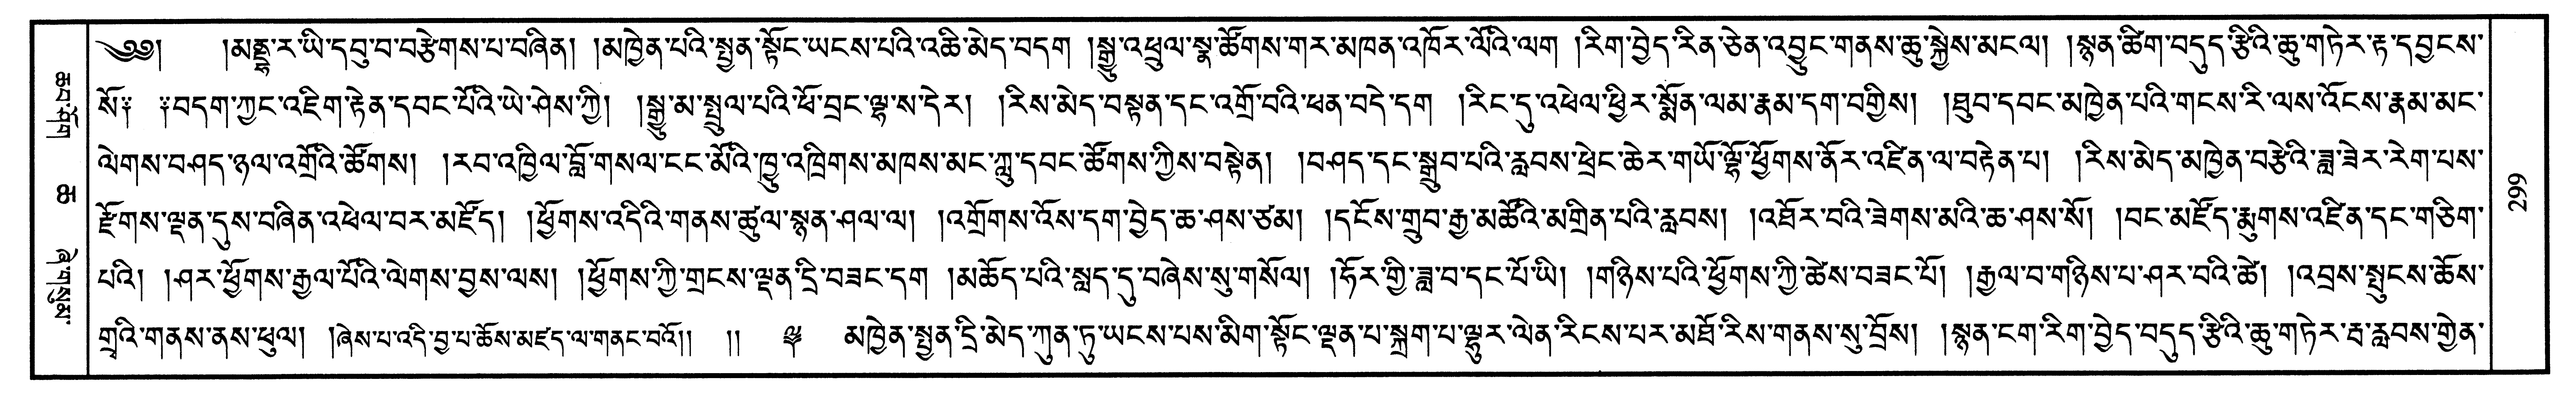༄༅། །མནྡྷ་ར་ཡི་དབུ་བ་བརྩེགས་པ་བཞིན། །མཁྱེན་པའི་སྤྱན་སྟོང་ཡངས་པའི་འཆི་མེད་བདག །སྒྱུ་འཕྲུལ་སྣ་ཚོགས་གར་མཁན་འཁོར་ལོའི་ལག །རིག་བྱེད་རིན་ཅེན་འབྱུང་གནས་ཆུ་སྐྱེས་མངལ། །སྙན་ཚིག་བདུད་རྩིའི་ཆུ་གཏེར་རྟ་དབྱངས་
སོ༑ ༑བདག་ཀྱང་འཇིག་རྟེན་དབང་པོའི་ཡེ་ཤེས་ཀྱི། །སྒྱུ་མ་སྤྲུལ་པའི་ཕོ་བྲང་ལྷ་ས་དེར། །རིས་མེད་བསྟན་དང་འགྲོ་བའི་ཕན་བདེ་དག །རིང་དུ་འཕེལ་ཕྱིར་སྨོན་ལམ་རྣམ་དག་བགྱིས། །ཐུབ་དབང་མཁྱེན་པའི་གངས་རི་ལས་འོངས་རྣམ་མང་
ལེགས་བཤད་ཉལ་འགྲོའི་ཚོགས། །རབ་འཁྱིལ་བློ་གསལ་ངང་མོའི་ཁྱུ་འཁྲིགས་མཁས་མང་ཀླུ་དབང་ཚོགས་ཀྱིས་བསྟེན། །བཤད་དང་སྒྲུབ་པའི་རླབས་ཕྲེང་ཆེར་གཡོ་ལྷོ་ཕྱོགས་ནོར་འཛིན་ལ་བརྟེན་པ། །རིས་མེད་མཁྱེན་བརྩེའི་ཟླ་ཟེར་རེག་པས་
རྫོགས་ལྡན་དུས་བཞིན་འཕེལ་བར་མཛོད། །ཕྱོགས་འདིའི་གནས་ཚུལ་སྙན་ཤལ་ལ། །འགྲོགས་འོས་དག་བྱེད་ཆ་ཤས་ཙམ། །དངོས་གྲུབ་རྒྱ་མཚོའི་མགྲིན་པའི་རླབས། །འཐོར་བའི་ཟེགས་མའི་ཆ་ཤས་སོ། །བང་མཛོད་རྨུགས་འཛིན་དང་གཅིག་
པའི། །ཤར་ཕྱོགས་རྒྱལ་པོའི་ལེགས་བྱས་ལས། །ཕྱོགས་ཀྱི་གྲངས་ལྡན་དྲི་བཟང་དག །མཆོད་པའི་སླད་དུ་བཞེས་སུ་གསོལ། །ཧོར་གྱི་ཟླ་བ་དང་པོ་ཡི། །གཉིས་པའི་ཕྱོགས་ཀྱི་ཚེས་བཟང་པོ། །རྒྱལ་བ་གཉིས་པ་ཤར་བའི་ཚེ། །འབྲས་སྤུངས་ཆོས་
གྲྭའི་གནས་ནས་ཕུལ། །ཞེས་པ་འདི་བྱ་པ་ཆོས་མཛད་ལ་གནང་བའོ།། །། ༈ མཁྱེན་སྤྱན་དྲི་མེད་ཀུན་ཏུ་ཡངས་པས་མིག་སྟོང་ལྡན་པ་སྐྲག་པ་ལྷུར་ལེན་རིངས་པར་མཐོ་རིས་གནས་སུ་བྲོས། །སྙན་ངག་རིག་བྱེད་བདུད་རྩིའི་ཆུ་གཏེར་རྦ་རླབས་གྱེན་